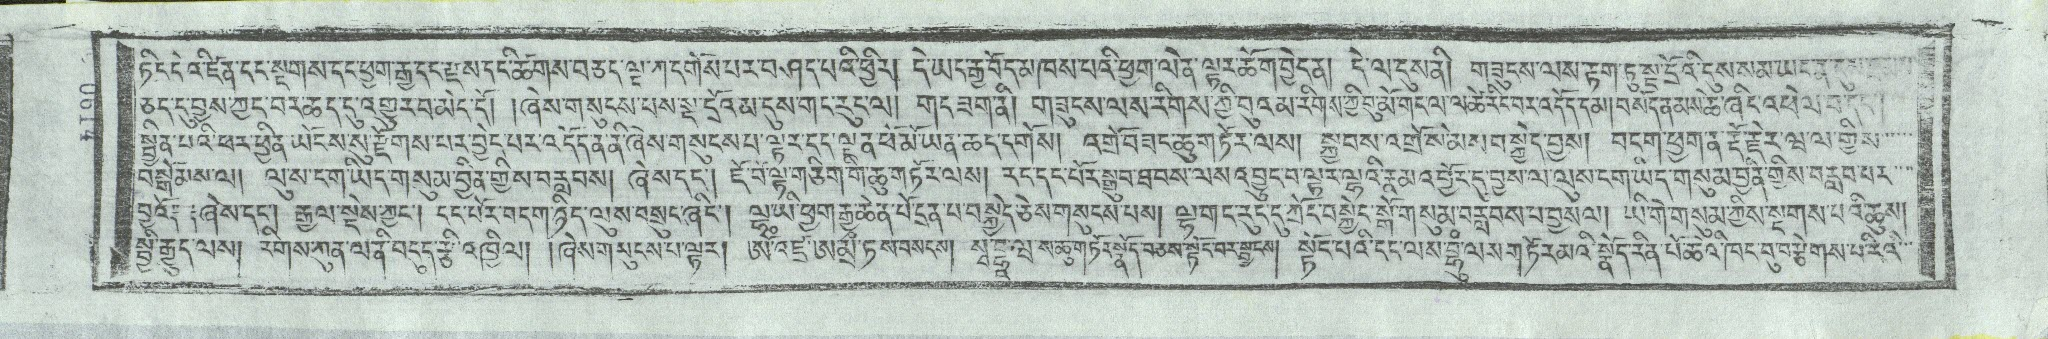ཏིང་ངེ་འཛིན་དང་སྔགས་དང་ཕྱག་རྒྱ་དང་རྫས་དང་ཚིགས་བཅད་ལྔ་ཀ་དགོས་པར་བཤད་པའི་ཕྱིར། དེ་ཡང་རྒྱ་བོད་མཁས་པའི་ཕྱག་ལེན་ལྟར་ཆོག་བྱེད་ན། དེ་ལ་དུས་ནི། གཟུངས་ལས་རྟག་ཏུ་སྔ་དྲོའི་དུས་སམ་ཡང་ན་དུས་ཐམས་
ཅད་དུ་བྱས་ཀྱང་བར་ཆད་དུ་འགྱུར་བ་མེད་དོ། །ཞེས་གསུངས་པས་སྡ་དྲོའམ་དུས་གང་རུང་ལ། གང་ཟག་ནི། གཟུངས་ལས་རིགས་ཀྱི་བུའམ་རིགས་ཀྱི་བུ་མོ་གང་ལ་ལ་ཚེ་རིང་བར་འདོད་དམ། བསོད་ནམས་ཆེ་ཞིང་འཕེལ་བ་དང་།
སྦྱིན་པའི་ཕར་ཕྱིན་ཡོངས་སུ་རྫོགས་པར་བྱེད་པར་འདོད་ན་ནི་ཞེས་གསུངས་པ་ལྟར་དང་ལྡན་ཕོ་མོ་ཡན་ཆད་དགོས། འགྲོ་བཟང་ཆུ་གཏོར་ལས། སྐྱབས་འགྲོ་སེམས་བསྐྱེད་བྱས། བདག་ཕྱག་ན་རྡོ་རྗེར་ཝ་ལ་གྱིས་
བསྒོམས་ལ། ལུས་ངག་ཡིད་གསུམ་བྱིན་གྱིས་བརླབས། ཞེས་དང་། ཇོ་བོ་ལྟ་གཅིག་གི་ཆུ་གཏོར་ལས། རང་དང་པོར་སྒྲུབ་ཐབས་ལས་འབྱུང་བ་ལྟར་ལྷའི་རྣམ་འབྱོར་དུ་བྱས་ལ་ལུས་ངག་ཡིད་གསུམ་བྱིན་གྱིས་བརླབ་པར་
བྱའོ༑ ༑ཞེས་དང་། རྒྱལ་སྡེས་ཀྱང་། དང་པོར་བདག་ཉིད་ལུས་བསྲུང་ཞིང་། ལྷ་ཡི་ཕྱག་རྒྱ་ཆེན་པོ་དྲན་པ་བསྐྱེད་ཅེས་གསུངས་པས། ལྷ་གང་རུང་དུ་ཀྲོང་བསྐྱེད་སྒོ་གསུམ་བརླབས་པ་བྱས་ལ། ཡི་གེ་གསུམ་ཀྱིས་སྔགས་པའི་ཆུས།
སྦྱི་རྒྱུད་ལས། རིགས་ཀུན་ལ་ནི་བདུད་རྩི་འཁྱིལ། །ཞེས་གསུངས་པ་ལྟར། ཨོཾ་འཛྲ་ཨ་མྲྀ་ཏས་བསངས། སྭ་བྷཱ་ཝས་ཆུ་གཏོར་སྣོད་བཅས་སྟོང་བར་སྦྱངས། སྟོང་པའི་དང་ལས་བྷུཾ་ལས་གཏོར་མའི་སྣོད་རིན་པོ་ཆའི་ཁང་བུ་བརྩེགས་པ་རིའི་